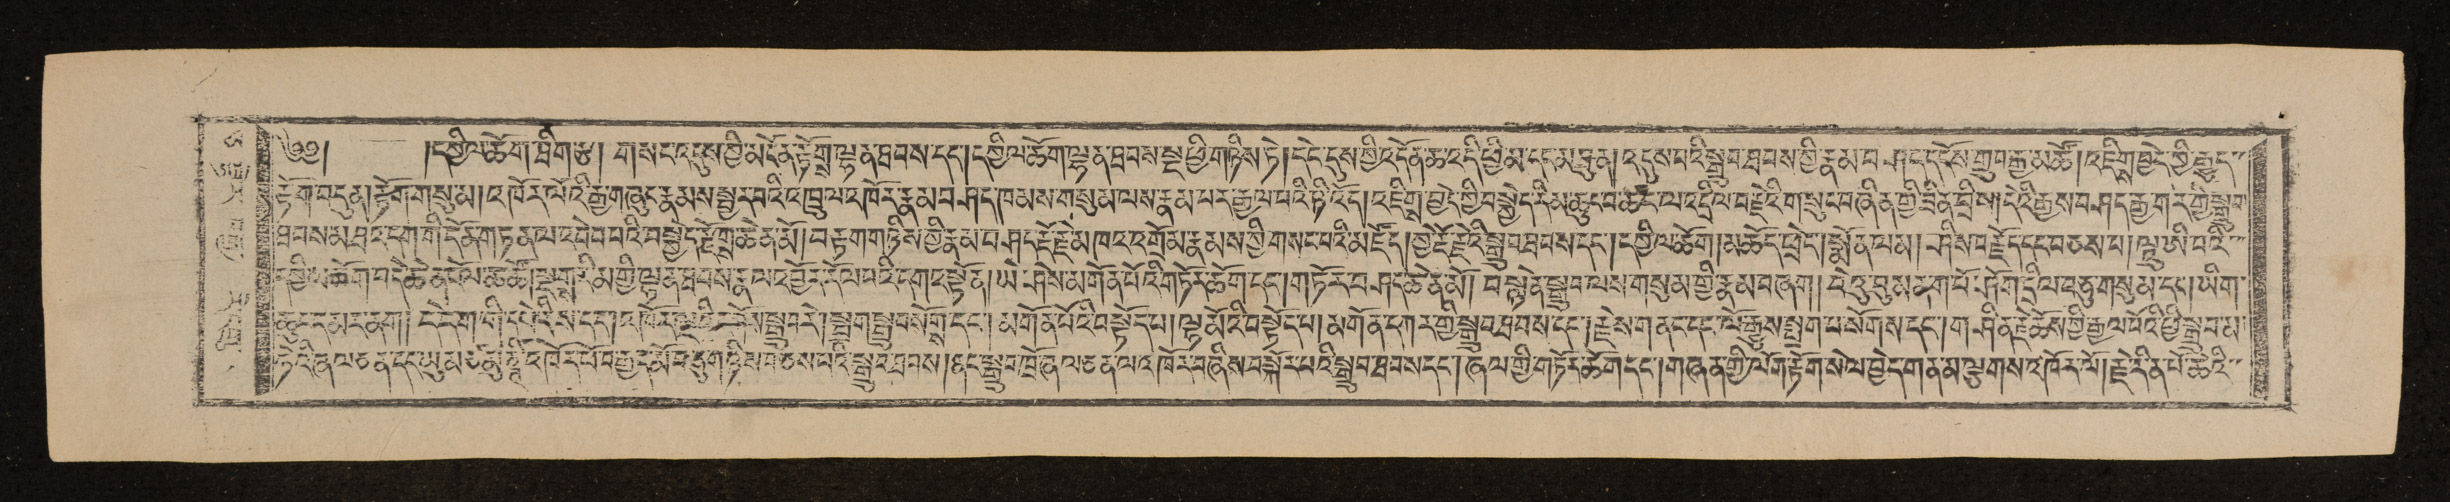༄༅། །དཀྱིལ་ཆོག་ཐིག་རྩ། གསང་འདུས་ཀྱི་མངོན་རྟོགས་ལྷན་ཐབས་དང་། དཀྱིལ་ཆོག་ལྷན་ཐབས་སྔ་ཕྱི་གཉིས་ཏེ། དེད་དུས་ཀྱི་འདོན་ཆ་འདི་ཕྱི་མ་དང་མཐུན། འདུས་པའི་སྒྲུབ་ཐབས་ཀྱི་རྣམ་བཤད་དངོས་གྲུབ་རྒྱ་མཚོ། འཇིགས་བྱེད་ཀྱི་རྒྱུད་
རྟོག་བདུན། རྟོག་གསུམ། འཁོར་ལོའི་རྒྱ་གཞུང་རྣམས་སྦྱར་བའི་འཁྲུལ་འཁོར་རྣམ་བཤད་ཁམས་གསུམ་ལས་རྣམ་པར་རྒྱལ་བའི་ཉི་འོད། འཇིགས་བྱེད་ཀྱི་བསྐྱེད་རིམ་ཆུང་བ་ཚད་ལ་འདྲི་ལ་བརྗེའི་གསུང་བཞིན་གྱི་ཟིན་བྲིས། དེའི་རྒྱས་བཤད་རྒྱ་གར་གྱི་སྒྲུབ་
ཐབས་མཐའ་དག་གི་དོན་གཏན་ལ་འབེབ་པའི་བསྐྱེད་རྫོགས་ཆེན་མོ། བརྟག་གཉིས་ཀྱི་རྣམ་བཤད་རྡོ་རྗེ་མཁའ་འགྲོ་མ་རྣམས་ཀྱི་གསང་བའི་མཛོད། ཀྱེ་རྡོ་རྗེའི་སྒྲུབ་ཐབས་དང་། དཀྱིལ་ཆོག། མཆོད་ཕྲེང་། སྨོན་ལམ། ཤིས་བརྗོད་དང་བཅས་པ། ལཱུ་ཨི་པའི་
དཀྱིལ་ཆོག་བདེ་ཆེན་རོལ་མཚོ། སྔགས་རིམ་གྱི་ལྷན་ཐབས་རྣལ་འབྱོར་རོལ་པའི་དགའ་སྟོན། ཡེ་ཤེས་མགོན་པོའི་གཏོར་ཆོག་དང་། གཏོར་བཤད་ཆེན་མོ། བསྙེན་སྒྲུབ་ལས་གསུམ་གྱི་རྣམ་བཞག། བེའུ་བུམ་ནག་པོ་ཤོག་དྲིལ་བཅུ་གསུམ་དང་། ཡིག་
ཆུང་དམར་ནག། དེ་དག་གི་དཔེ་རིས་དང་། འཁོར་ལྔའི་དགོས་སྒྲུབ་རེ། སྦྲག་སྒྲུབ་སོགས་དང་། མགོན་པོའི་བསྟོད་པ། ལྷ་མོའི་བསྟོད་པ། མགོན་དཀར་གྱི་སྒྲུབ་ཐབས་དང་། རྗེས་གནང་དང་ལོ་རྒྱུས་སྦྲག་པ་སོགས་དང་། གཤིན་རྗེ་ཆོས་ཀྱི་རྒྱལ་པོའི་ཕྱི་སྒྲུབ་མ་
ཧེའི་ཞལ་ཅན་དང་ཡུམ་ཙ་མུཎྚི་འཁོར་ཕོ་བརྒྱད་མོ་བཅུ་གཉིས་བཅས་པའི་སྒྲུབ་ཐབས། ནང་སྒྲུབ་ཁྲོ་ཞལ་ཅན་ལ་འཁོར་བཞིས་བསྐོར་པའི་སྒྲུབ་ཐབས་དང་། ཞལ་གྱི་གཏོར་ཆོག་དང་། གཞན་གྱི་ལོག་རྟོག་སེལ་བྱེད་གནམ་ལྕགས་འཁོར་ལོ། རྗེ་རིན་པོ་ཆེའི་